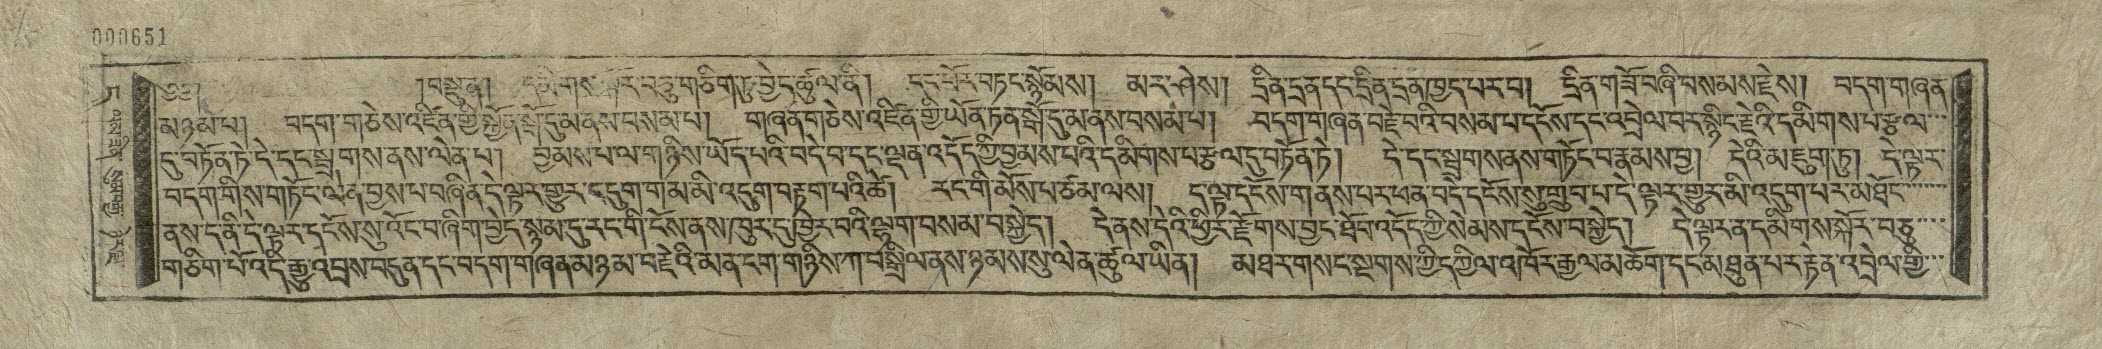༄༅། །བསྡུ་ན། དམིགས་སྐོར་བཅུ་གཅིག་ཏུ་བྱེད་ཚུལ་ནི། དང་པོར་བཏང་སྙོམས། མར་ཤེས། དྲིན་དྲན་དང་དྲིན་དྲན་ཁྱད་པར་བ། དྲིན་གཟོ་བཞི་བསམས་རྗེས། བདག་གཞན་
མཉམ་པ། བདག་གཅེས་འཛིན་གྱི་སྐྱོན་སྒོ་དུ་མ་ནས་བསམ་པ། གཞན་གཅེས་འཛིན་གྱི་ཡོན་ཏན་སྒོ་དུ་མ་ནས་བསམ་པ། བདག་གཞན་བརྗེ་བའི་བསམ་པ་དངོས་དང་འབྲེལ་བར་སྙིང་རྗེའི་དམིགས་པ་རྩལ་
དུ་བཏོན་ཏེ་དེ་དང་སྦྲགས་ནས་ལེན་པ། བྱམས་པ་ལ་གཉིས་ཡོད་པའི་བདེ་བ་དང་ལྡན་འདོད་ཀྱི་བྱམས་པའི་དམིགས་པ་རྩལ་དུ་བཏོན་ཏེ། དེ་དང་སྦྲགས་ནས་གཏོང་བ་རྣམས་བྱ། དེའི་མཇུག་ཏུ། དེ་ལྟར་
བདག་གིས་གཏོང་ལེན་བྱས་པ་བཞིན་དེ་ལྟར་གྱུར་འདུག་གམ་མི་འདུག་བརྟག་པའི་ཚེ། རང་གི་མོས་པ་ཙམ་ལས། ད་ལྟ་དངོས་གནས་པར་ཕན་བདེ་དངོས་སུ་གྲུབ་པ་དེ་ལྟར་གྱུར་མི་འདུག་པར་མཐོང་
ནས་ད་ནི་དེ་ལྟར་དངོས་སུ་འོང་བ་ཞིག་བྱེད་སྙམ་དུ་རང་གི་ངོས་ནས་ཁུར་དུ་ཁྱེར་བའི་ལྷག་བསམ་བསྐྱེད། དེ་ནས་དེའི་ཕྱིར་རྫོགས་བྱང་ཐོབ་འདོད་ཀྱི་སེམས་དངོས་བསྐྱེད། དེ་ལྟར་ན་དམིགས་སྐོར་བཅུ་
གཅིག་པོ་འདི་རྒྱུ་འབྲས་བདུན་དང་བདག་གཞན་མཉམ་བརྗེའི་མན་ངག་གཉིས་ཀ་བསྒྲིལ་ནས་ཉམས་སུ་ལེན་ཚུལ་ཡིན། མཐར་གསང་སྔགས་ཀྱི་དཀྱིལ་འཁོར་རྒྱལ་མཆོག་དང་མཐུན་པར་རྟེན་འབྲེལ་གྱི་